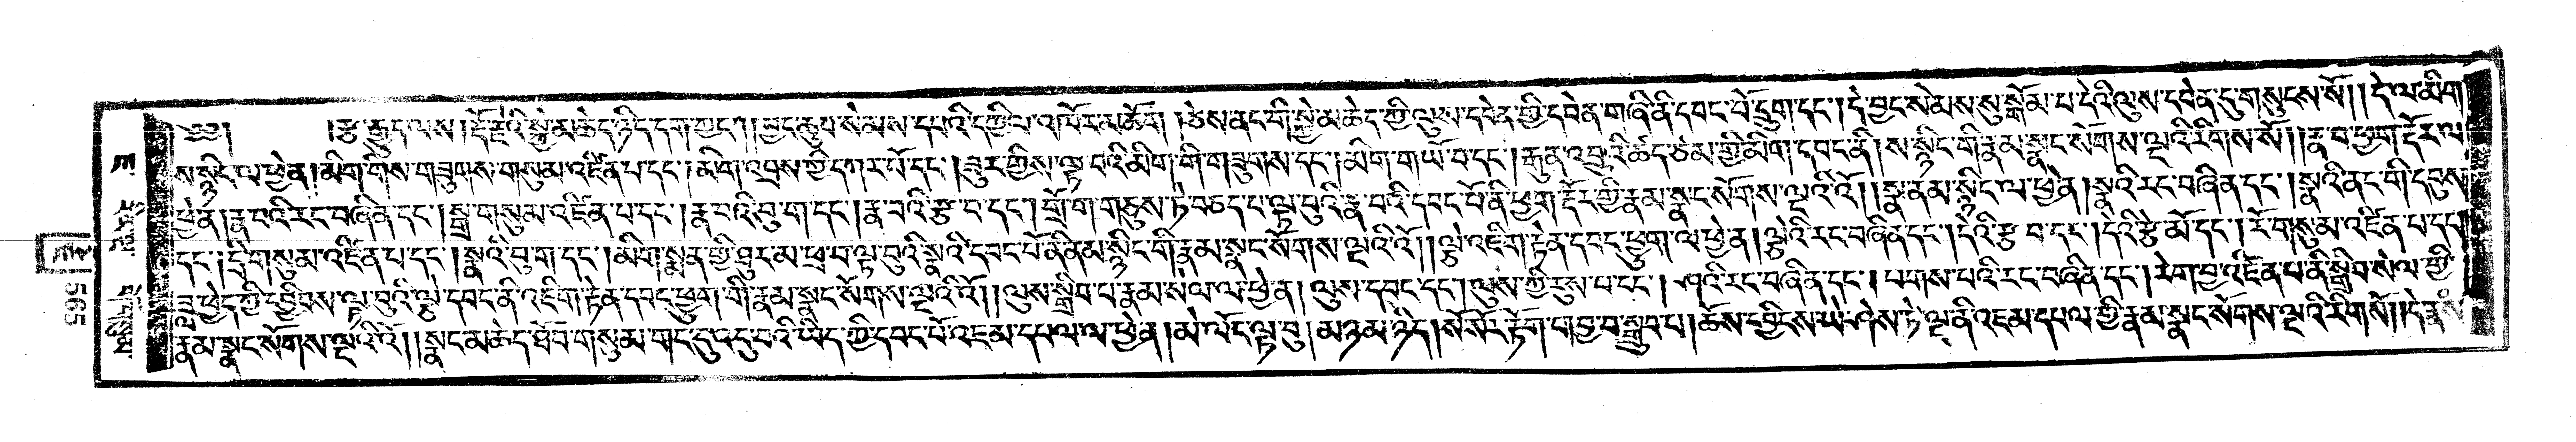༄༅། །རྩ་རྒྱུད་ལས། རྡོ་རྗེའི་སྐྱེ་མཆེད་ཉིད་དག་ཀྱང་། །བྱང་ཆུབ་སེམས་དཔའི་དཀྱིལ་འཁོར་མཆོག །ཅེས་ནང་གི་སྐྱེ་མཆེད་ཀྱི་ལུས་དབེན་གྱི་དབེན་གཞི་ནི་དབང་པོ་དྲུག་དང་། དེ་བྱང་སེམས་སུ་སྒོམ་པ་དེའི་ལུས་དབེན་དུ་གསུངས་སོ། །དེ་ལ་མིག་
ས་སྙིང་ལ་ཕྱེ་ན། མིག་གིས་གཟུགས་གསུམ་འཛིན་པ་དང་། མིག་འབྲས་ཀྱི་དཀར་པོ་དང་། ཟུར་གྱིས་ལྟ་བའི་མིག་གི་གཟུགས་དང་། མིག་གཡོ་བ་དང་། རྒུན་འབྲུའི་ཚད་ཙམ་གྱི་མིག་དབང་ནི། ས་སྙིང་གི་རྣམ་སྣང་སོགས་ལྔའི་རིགས་སོ། །རྣ་བ་ཕྱག་རྡོར་ལ་
ཕྱེ་ན། རྣ་བའི་རང་བཞིན་དང་། སྒྲ་གསུམ་འཛིན་པ་དང་། རྣ་བའི་བུ་ག་དང་། རྣ་བའི་རྩ་བ་དང་། གྲོ་ག་གཅུས་ཏེ་བཅད་པ་ལྟ་བུའི་རྣ་བའི་དབང་པོ་ནི་ཕྱག་རྡོར་གྱི་རྣམ་སྣང་སོགས་ལྔའི་འོ། །སྣ་ནམ་སྙིང་ལ་ཕྱེ་ན། སྣའི་རང་བཞིན་དང་། སྣའི་ནང་གི་དབུས་
དང་། དྲི་གསུམ་འཛིན་པ་དང་། སྣའི་བུ་ག་དང་། མིག་སྨན་གྱི་ཐུར་མ་ཕྲ་བ་ལྟ་བུའི་སྣའི་དབང་པོ་ནི་ནམ་སྙིང་གི་རྣམ་སྣང་སོགས་ལྔའི་འོ། །ལྕེ་འཇིག་རྟེན་དབང་ཕྱུག་ལ་ཕྱེ་ན། ལྕེའི་རང་བཞིན་དང་། དེའི་རྩ་བ་དང་། དེའི་རྩེ་མོ་དང་། རོ་གསུམ་འཛིན་པ་དང་།
ཟླ་ཕྱེད་ཀྱི་དབྱིབས་ལྟ་བུའི་ལྕེ་དབང་ནི་འཇིག་རྟེན་དབང་ཕྱུག་གི་རྣམ་སྣང་སོགས་ལྔའི་འོ། །ལུས་སྒྲིབ་པ་རྣམ་སེལ་ལ་ཕྱེ་ན། ལུས་དབང་དང་། ལུས་ཀྱི་རུས་པ་དང་། ཤའི་རང་བཞིན་དང་། པགས་པའི་རང་བཞིན་དང་། རེག་བྱ་འཛིན་པ་ནི་སྒྲིབ་སེལ་གྱི་
རྣམ་སྣང་སོགས་ལྔའི་འོ། །སྣང་མཆེད་ཐོབ་གསུམ་གང་དུ་འདུ་བའི་ཡིད་ཀྱི་དབང་པོ་འཇམ་དཔལ་ལ་ཕྱེ་ན། མེ་ལོང་ལྟ་བུ། མཉམ་ཉིད། སོ་སོར་རྟོག་པ། བྱ་བ་སྒྲུབ་པ། ཆོས་དབྱིངས་ཡེ་ཤེས་ཏེ་ལྔ་ནི་འཇམ་དཔལ་གྱི་རྣམ་སྣང་སོགས་ལྔའི་རིགས་སོ། །དེ་རྣམས་